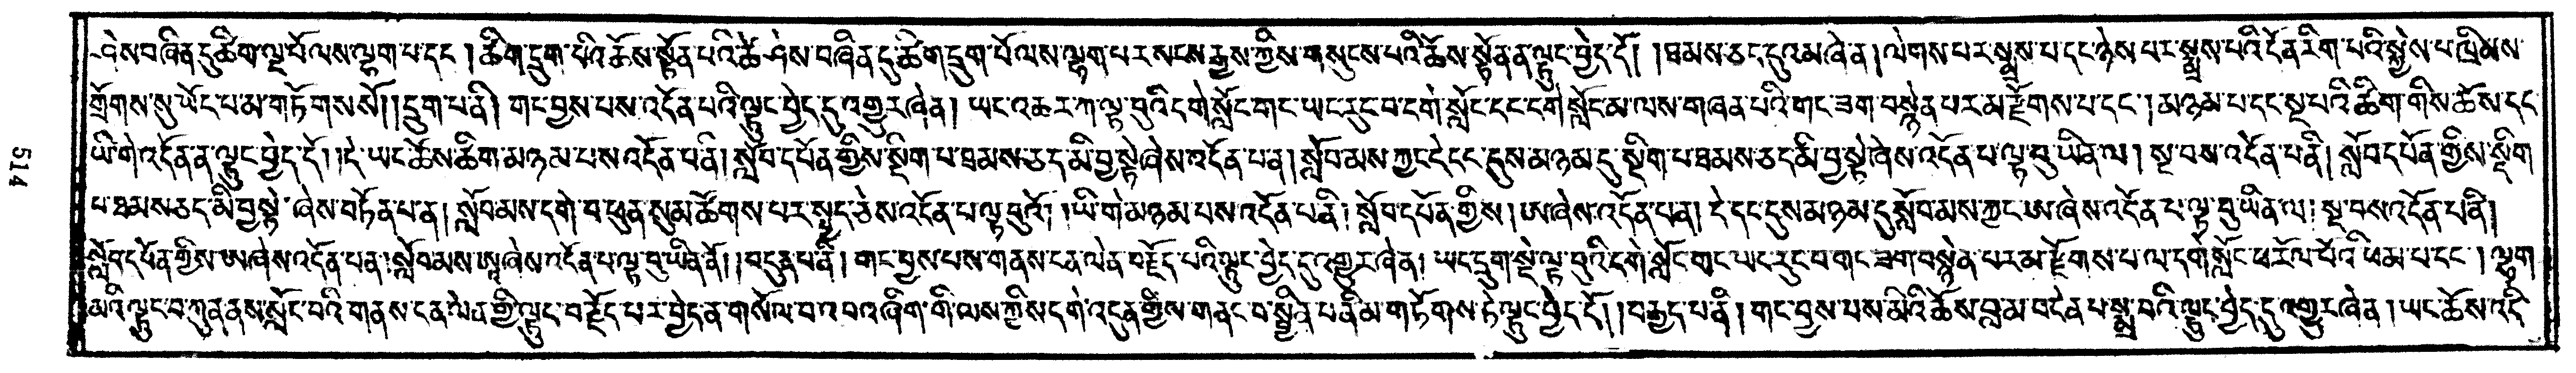ཤེས་བཞིན་དུ་ཚིག་ལྔ་པོ་ལས་ལྷག་པ་དང་། ཚིག་དྲུག་པའི་ཆོས་སྟོན་པའི་ཚེ་ཤེས་བཞིན་དུ་ཚིག་དྲུག་པོ་ལས་ལྷག་པར་སངས་རྒྱས་ཀྱིས་གསུངས་པའི་ཆོས་སྟོན་ན་ལྟུང་བྱེད་དོ། །ཐམས་ཅད་དུའམ་ཞེ་ན། ལེགས་པར་སྨྲས་པ་དང་ཉེས་པར་སྨྲས་པའི་དོན་རིག་པའི་སྐྱེས་པ་ཁྲིམས་
གྲོགས་སུ་ཡོད་པ་མ་གཏོགས་སོ། །དྲུག་པ་ནི། གང་བྱས་པས་འདོན་པའི་ལྟུང་བྱེད་དུ་འགྱུར་ཞེ་ན། ཡང་འཆར་ཀ་ལྟ་བུའི་དགེ་སློང་གང་ཡང་རུང་བ་དགེ་སློང་དང་དགེ་སློང་མ་ལས་གཞན་པའི་གང་ཟག་བསྙེན་པར་མ་རྫོགས་པ་དང་། མཉམ་པ་དང་སྔ་པའི་ཚིག་གིས་ཆོས་དང་
ཡི་གེ་འདོན་ན་ལྟུང་བྱེད་དོ། །དེ་ཡང་ཆོས་ཚིག་མཉམ་པས་འདོན་པ་ནི། སློབ་དཔོན་གྱིས་སྡིག་པ་ཐམས་ཅད་མི་བྱ་སྟེ་ཞེས་འདོན་པ་ན། སློབ་མས་ཀྱང་དེ་དང་དུས་མཉམ་དུ་སྡིག་པ་ཐམས་ཅད་མི་བྱ་སྟེ་ཞེས་འདོན་པ་ལྟ་བུ་ཡིན་ལ། སྔ་བས་འདོན་པ་ནི། སློབ་དཔོན་གྱིས་སྡིག་
པ་ཐམས་ཅད་མི་བྱ་སྟེ་ཞེས་བཏོན་པ་ན། སློབ་མས་དགེ་བ་ཕུན་སུམ་ཚོགས་པར་སྤྱད་ཅེས་འདོན་པ་ལྟ་བུའོ། །ཡི་གེ་མཉམ་པས་འདོན་པ་ནི། སློབ་དཔོན་གྱིས། ཨ་ཞེས་འདོན་པ་ན། དེ་དང་དུས་མཉམ་དུ་སློབ་མས་ཀྱང་ཨ་ཞེས་འདོན་པ་ལྟ་བུ་ཡིན་ལ། སྔ་བས་འདོན་པ་ནི།
སློབ་དཔོན་གྱིས་ཨ་ཞེས་འདོན་པ་ན། སློབ་མས་ཨཱ་ཞེས་འདོན་པ་ལྟ་བུ་ཡིན་ནོ། །བདུན་པ་ནི། གང་བྱས་པས་གནས་ངན་ལེན་བརྗོད་པའི་ལྟུང་བྱེད་དུ་འགྱུར་ཞེ་ན། ཡང་དྲུག་སྡེ་ལྟ་བུའི་དགེ་སློང་གང་ཡང་རུང་བ་གང་ཟག་བསྙེན་པར་མ་རྫོགས་པ་ལ་དགེ་སློང་ཕ་རོལ་པོའི་ཕམ་པ་དང་། ལྷག་
མའི་ལྟུང་བ་ཀུན་ནས་སློང་བའི་གནས་ངན་ལེན་གྱི་ལྟུང་བརྗོད་པར་བྱེད་ན་གསོལ་བ་འབའ་ཞིག་གི་ལས་ཀྱིས་དགེ་འདུན་གྱིས་གནང་བ་སྦྱིན་པ་ནི་མ་གཏོགས་ཏེ་ལྟུང་བྱེད་དོ། །བརྒྱད་པ་ནི། གང་བྱས་པས་མིའི་ཆོས་བླ་མ་བདེན་པ་སྨྲ་བའི་ལྟུང་བྱེད་དུ་འགྱུར་ཞེ་ན། ཡང་ཆོས་འདི་